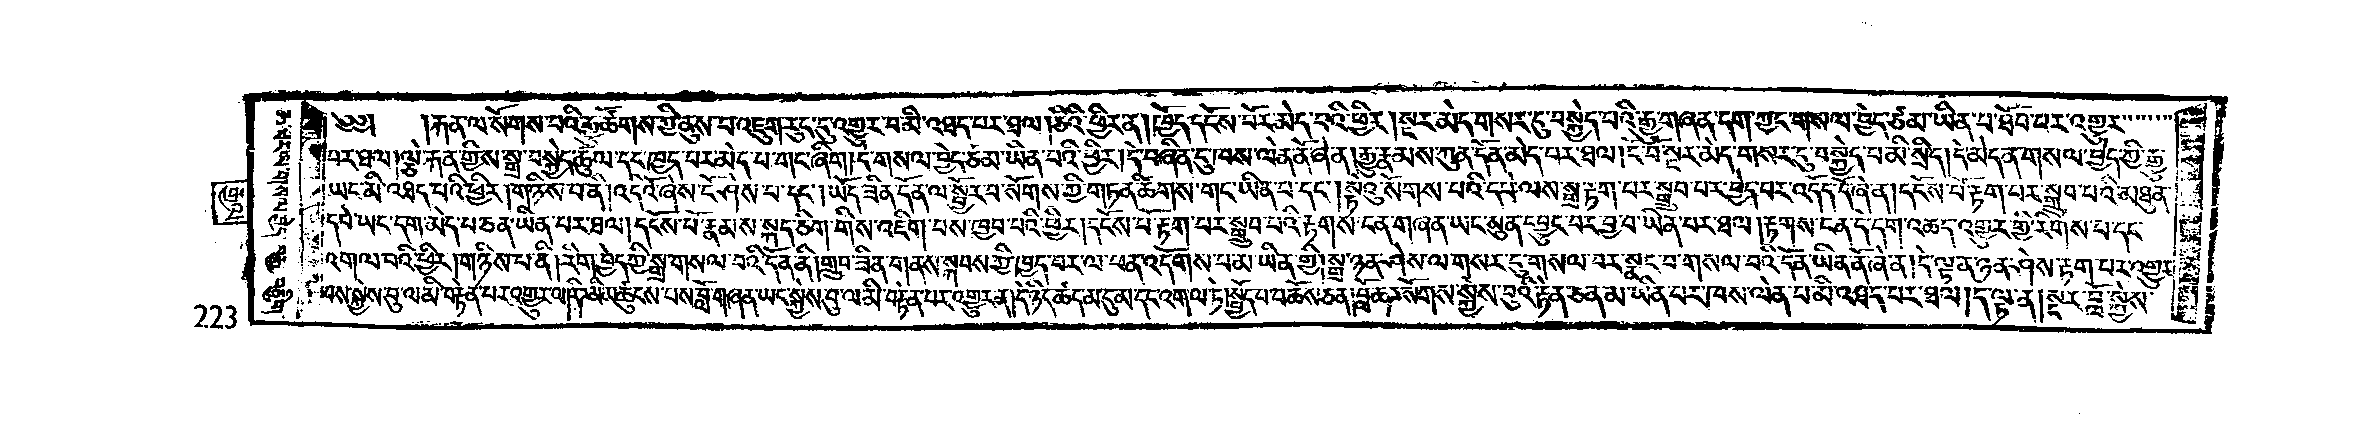༄༅། །རྐན་ལ་སོགས་པའི་རྒྱུ་ཚོགས་ཀྱི་ནུས་པ་འཇུག་རུང་དུ་འགྱུར་བ་མི་འཐད་པར་ཐལ། ཅིའི་ཕྱིར་ན། ཁྱོད་དངོས་པོར་མེད་པའི་ཕྱིར། སྔར་མེད་གསར་དུ་བསྐྱེད་པའི་རྒྱུ་གཞན་དག་ཀྱང་གསལ་བྱེད་ཙམ་ཡིན་པ་ཐོབ་པར་འགྱུར་
བར་ཐལ། ལྕེ་རྐན་གྱིས་སྒྲ་བསྐྱེད་ཚུལ་དང་ཁྱད་པར་མེད་པ་གང་ཞིག། དེ་གསལ་བྱེད་ཙམ་ཡིན་པའི་ཕྱིར། དེ་བཞིན་དུ་ཁས་ལེན་ནོ་ཞེ་ན། རྒྱུ་རྣམས་ཀུན་དོན་མེད་པར་ཐལ། ངོ་བོ་སྔར་མེད་གསར་དུ་བསྐྱེད་པ་མི་སྲིད། དེ་མེད་ན་གསལ་ཕྱེད་ཀྱི་རྒྱུ་
ཡང་མི་འཐད་པའི་ཕྱིར། གཉིས་པ་ནི། འདིའོ་ཞེས་ངོ་ཤེས་པ་དང་། ཡོད་ཟིན་དོན་ལ་སྦྱོར་བ་སོགས་ཀྱི་གཏན་ཚིགས་གང་ཡིན་པ་དང་། སྟེའུ་སོགས་པའི་དཔེ་ལས་སྒྲ་རྟག་པར་སྒྲུབ་པར་བྱེད་པར་འདོད་དོ་ཞེ་ན། དངོས་པོ་རྟག་པར་སྒྲུབ་པའི་མཐུན་
དཔེ་ཡང་དག་མེད་པ་ཅན་ཡིན་པར་ཐལ། དངོས་པོ་རྣམས་སྐད་ཅིག་གིས་འཇིག་པས་ཁྱབ་པའི་ཕྱིར། དངོས་པོ་རྟག་པར་སྒྲུབ་པའི་རྟགས་ངན་གཞན་ཡང་སུན་དབྱུང་བར་བྱ་བ་ཡིན་པར་ཐལ། རྟགས་ངན་དེ་དག་འཆད་འགྱུར་གྱི་རིགས་པ་དང་
འགལ་བའི་ཕྱིར། གཉིས་པ་ནི། རིག་བྱེད་ཀྱི་སྒྲ་གསལ་བའི་དོན་ནི། གྲུབ་ཟིན་གནས་སྐབས་ཀྱི་ཁྱད་པར་ལ་ཕན་འདོགས་པ་མ་ཡིན་གྱི། སྒྲ་ཉན་ཤེས་ལ་གསར་དུ་གསལ་བར་སྣང་བ་གསལ་བའི་དོན་ཡིན་ནོ་ཞེ་ན། དེ་ལྟ་ན་ཉན་ཤེས་རྟག་པར་འགྱུར་
བས་སྐྱེས་བུ་ལ་མི་བརྟེན་པར་འགྱུར་ལ། རིགས་མི་མཚུངས་པས་བློ་གཞན་ཡང་སྐྱེས་བུ་ལ་མི་བརྟེན་པར་འགྱུར་ན། དེ་ཉིད་ཚད་མ་དུ་མ་དང་འགལ་ཏེ། སྤྱོད་པ་པོ་ཆོས་ཅན། བློ་ཆཌ་སོགས་སྐྱེས་བུའི་རྟེན་ཅན་མ་ཡིན་པར་ཁས་ལེན་པ་མི་འཐད་པར་ཐལ། དེ་ལྟ་ན། སྔར་བློ་སྐྱེས་